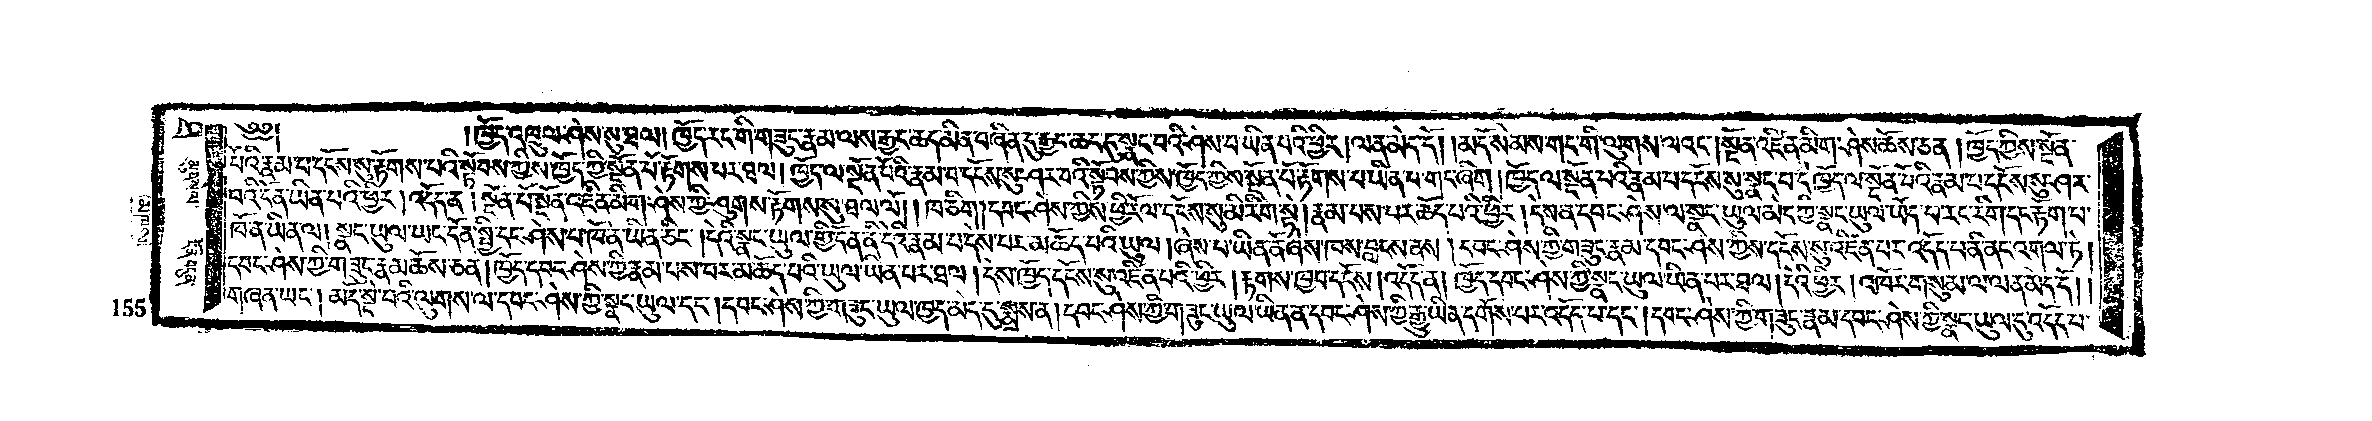༄༅། །ཁྱོད་འཁྲུལ་ཤེས་སུ་ཐལ། ཁྱོད་རང་གི་གཟུང་རྣམ་ལས་རྒྱང་ཆད་མིན་བཞིན་དུ་རྒྱང་ཆད་དུ་སྣང་བའི་ཤེས་པ་ཡིན་པའི་ཕྱིར། ལན་མེད་དོ། །མདོ་སེམས་གང་གི་ལུགས་ལའང་། སྔོན་འཛིན་མིག་ཤེས་ཆོས་ཅན། ཁྱོད་ཀྱིས་སྔོན་
པོའི་རྣམ་པ་དངོས་སུ་རྟོགས་པའི་སྟོབས་ཀྱིས་ཁྱོད་ཀྱི་སྔོན་པོ་རྟོགས་པར་ཐལ། ཁྱོད་ལ་སྔོན་པོའི་རྣམ་པ་དངོས་སུ་ཤར་བའི་སྟོབས་ཀྱིས་ཁྱོད་ཀྱིས་སྔོན་པོ་རྟོགས་པ་ཡིན་པ་གང་ཞིག །ཁྱོད་ལ་སྔོན་པོའི་རྣམ་པ་དངོས་སུ་སྣང་བ་དེ་ཁྱོད་ལ་སྔོན་པོའི་རྣམ་པ་དངོས་སུ་ཤར་
བའི་དོན་ཡིན་པའི་ཕྱིར། འདོད་ན། སྔོན་པོ་སྔོན་འཛིན་མིག་ཤེས་ཀྱི་ཤུགས་རྟོགས་སུ་ཐལ་ལོ། །ཁ་ཅིག །དབང་ཤེས་ཀྱིས་ཕྱི་རོལ་དངོས་སུ་མི་རིག་སྟེ། རྣམ་པས་བར་ཆོད་པའི་ཕྱིར། དེས་ན་དབང་ཤེས་ལ་སྣང་ཡུལ་མེད་ཀྱི་སྣང་ཡུལ་ཡོད་པ་རང་རིག་དང་རྟོག་པ་
ཁོ་ན་ཡིན་ལ། སྣང་ཡུལ་ཡང་དོན་སྤྱི་དང་ཤེས་པ་ཁོ་ན་ཡིན་ཅིང་།དེའི་སྣང་ཡུལ་གྱི་དོན་ནི་དེའི་རྣམ་པ་དེས་པར་མཆོད་པའི་ཡུལ། ཞེས་པ་ཡིན་ནོ་ཞེས་ཁས་བླངས་ནས། དབང་ཤེས་ཀྱི་གཟུང་རྣམ་དབང་ཤེས་ཀྱིས་དངོས་སུ་འཛིན་པར་འདོད་པ་ནི་ནང་འགལ་ཏེ།
དབང་ཤེས་ཀྱི་གཟུང་རྣམ་ཆོས་ཅན། ཁྱོད་དབང་ཤེས་ཀྱི་རྣམ་པས་བར་མ་ཆོད་པའི་ཡུལ་ཡིན་པར་ཐལ། དེས་ཁྱོད་དངོས་སུ་འཛིན་པའི་ཕྱིར། རྟགས་ཁྱབ་དངོས། འདོད་ན། ཁྱོད་དབང་ཤེས་ཀྱི་སྣང་ཡུལ་ཡིན་པར་ཐལ། དེའི་ཕྱིར། འཁོར་གསུམ་ལ་ལན་མེད་དོ། །
གཞན་ཡང་། མདོ་སྡེ་པའི་ལུགས་ལ་དབང་ཤེས་ཀྱི་སྣང་ཡུལ་དང་། དབང་ཤེས་ཀྱི་གཟུང་ཡུལ་ཁྱད་མེད་དུ་སྨྲས་ན། དབང་ཤེས་ཀྱི་གཟུང་ཡུལ་ཡིན་ན་དབང་ཤེས་ཀྱི་རྒྱུ་ཡིན་དགོས་པར་འདོད་པ་དང་། དབང་ཤེས་ཀྱི་གཟུང་རྣམ་དབང་ཤེས་ཀྱི་སྣང་ཡུལ་དུ་འདོད་པ་